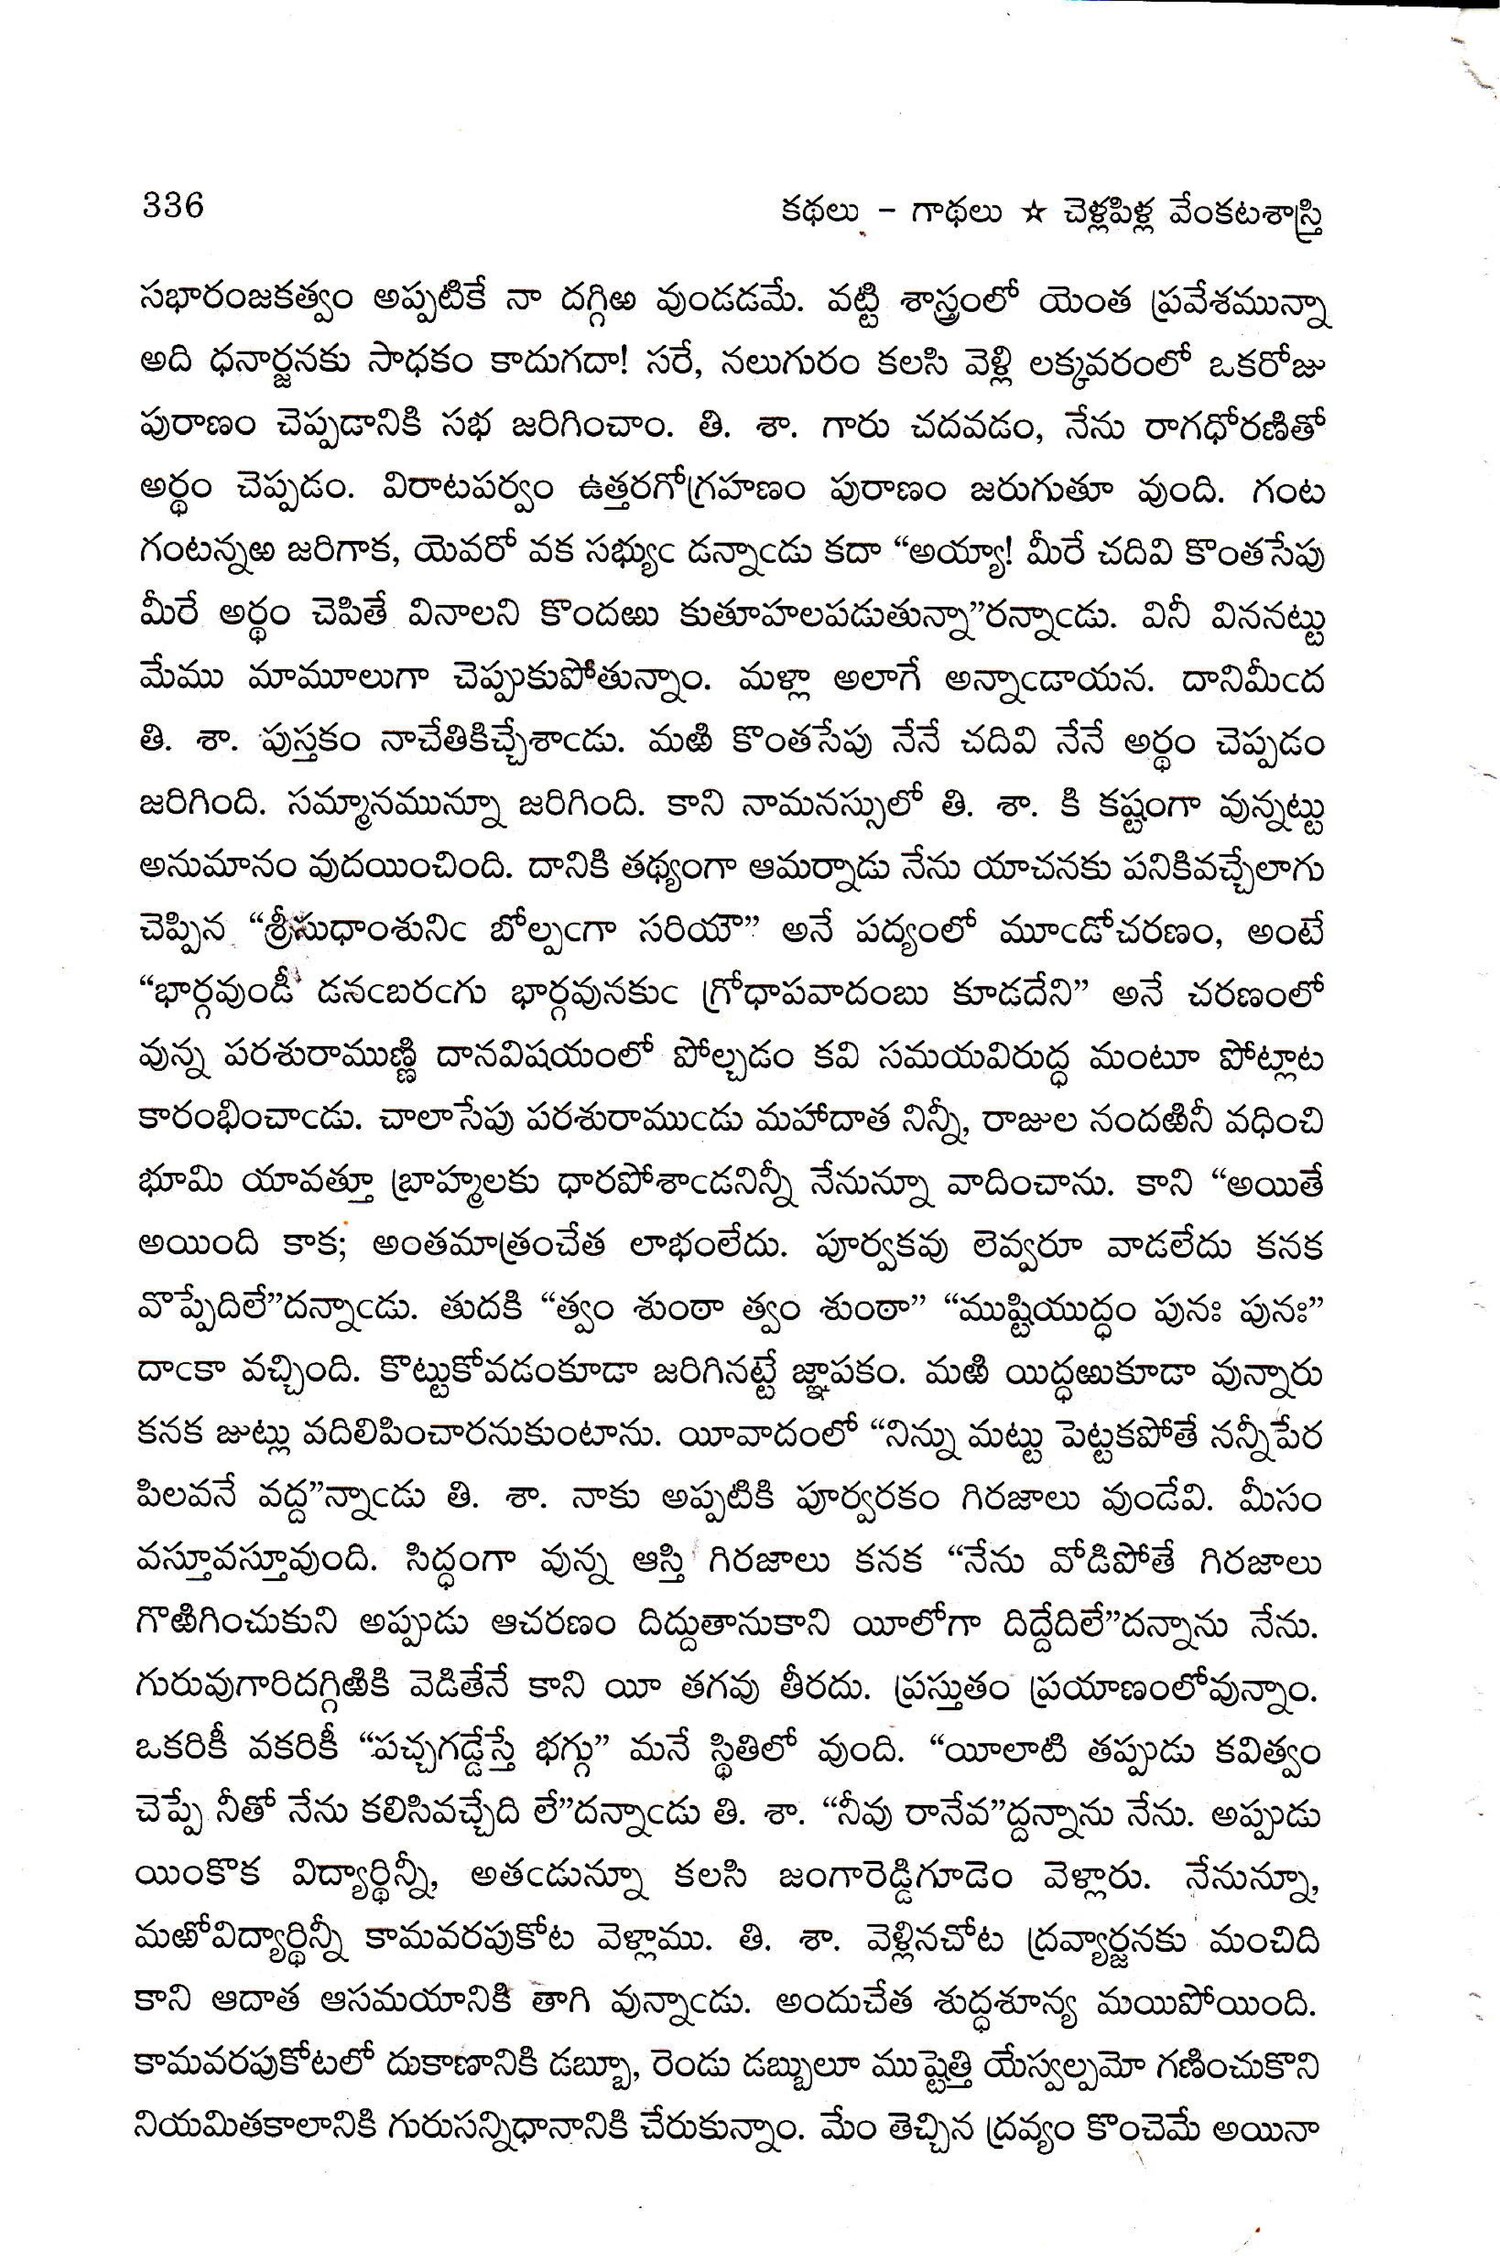సభారంజకత్వం అప్పటికే నా దగ్గిఱ వుండడమే. వట్టి శాస్త్రంలో యెంత ప్రవేశమున్నా అది ధనార్జనకు సాధకం కాదుగదా! సరే, నలుగురం కలసి వెళ్లి లక్కవరంలో ఒకరోజు పురాణం చెప్పడానికి సభ జరిగించాం. తి. శా, గారు చదవడం, నేను రాగధోరణితో అర్థం చెప్పడం. విరాటపర్వం ఉత్తరగోగ్రహణం పురాణం జరుగుతూ వుంది. గంట గంటన్నఱ జరిగాక, యెవరో వక సభ్యుఁ డన్నాఁడు కదా "అయ్యా! మీరే చదివి కొంతసేపు మీరే అర్థం చెపితే వినాలని కొందఱు కుతూహలపడుతున్నా"రన్నాఁడు. వినీ విననట్టు మేము మామూలుగా చెప్పుకుపోతున్నాం. మళ్లా అలాగే అన్నాఁడాయన. దానిమీఁద తి. శా. పుస్తకం నాచేతికిచ్చేశాఁడు. మఱి కొంతసేపు నేనే చదివి నేనే అర్థం చెప్పడం జరిగింది. సమ్మానమున్నూ జరిగింది. కాని నామనస్సులో తి. శా. కి కష్టంగా వున్నట్టు అనుమానం వుదయించింది. దానికి తథ్యంగా ఆమర్నాడు నేను యాచనకు పనికివచ్చేలాగు చెప్పిన "శ్రీసుధాంశునిఁ బోల్పఁగా సరియౌ" అనే పద్యంలో మూఁడోచరణం, అంటే "భార్గవుండీ డనఁబరఁగు భార్గవునకుఁ గ్రోధాపవాదంబు కూడదేని" అనే చరణంలో వున్న పరశురాముణ్ణి దానవిషయంలో పోల్చడం కవి సమయవిరుద్ధ మంటూ పోట్లాట కారంభించాఁడు. చాలాసేపు పరశురాముఁడు మహాదాత నిన్నీ రాజుల నందఱినీ వధించి భూమి యావత్తూ బ్రాహ్మలకు ధారపోశాఁడనిన్నీ నేనున్నూ వాదించాను. కాని “అయితే అయింది కాక; అంతమాత్రంచేత లాభంలేదు. పూర్వకవు లెవ్వరూ వాడలేదు కనక వొప్పేదిలే"దన్నాఁడు. తుదకి “త్వం శుంఠా త్వం శుంఠా” “ముష్టియుద్ధం పునః పునః" దాఁకా వచ్చింది. కొట్టుకోవడంకూడా జరిగినట్టే జ్ఞాపకం. మఱి యిద్ధఱుకూడా వున్నారు కనక జుట్లు వదిలిపించారనుకుంటాను. యీవాదంలో “నిన్ను మట్టు పెట్టకపోతే నన్నీ పేర పిలవనే వద్ద"న్నాఁడు తి. శా. నాకు అప్పటికి పూర్వరకం గిరజాలు వుండేవి. మీసం వస్తూవస్తూవుంది. సిద్ధంగా వున్న ఆస్తి గిరజాలు కనక “నేను వోడిపోతే గిరజాలు గొఱిగించుకుని అప్పుడు ఆచరణం దిద్దుతానుకాని యాలోగా దిద్దేదిలే"దన్నాను నేను. గురువుగారిదగ్గిఱికి వెడితేనే కాని యీ తగవు తీరదు. ప్రస్తుతం ప్రయాణంలోవున్నాం. ఒకరికీ వకరికీ "పచ్చగడ్డేస్తే భగ్గు" మనే స్థితిలో వుంది. “యీలాటి తప్పుడు కవిత్వం చెప్పే నీతో నేను కలిసివచ్చేది లేదన్నాఁడు తి. శా. "నీవు రానేవ"ద్దన్నాను నేను. అప్పుడు యింకొక విద్యార్థిన్నీ అతఁడున్నూ కలసి జంగారెడ్డిగూడెం వెళ్లారు. నేనున్నూ, మఱోవిద్యార్థిన్నీ కామవరపుకోట వెళ్లాము. తి. శా. వెళ్లినచోట ద్రవ్యార్జనకు మంచిది కాని ఆదాత ఆసమయానికి తాగి వున్నాఁడు. అందుచేత శుద్ధశూన్య మయిపోయింది. కామవరపుకోటలో దుకాణానికి డబ్బూ, రెండు డబ్బులూ ముష్టెత్తి యేస్వల్పమో గణించుకొని నియమితకాలానికి గురుసన్నిధానానికి చేరుకున్నాం. మేం తెచ్చిన ద్రవ్యం కొంచెమే అయినా